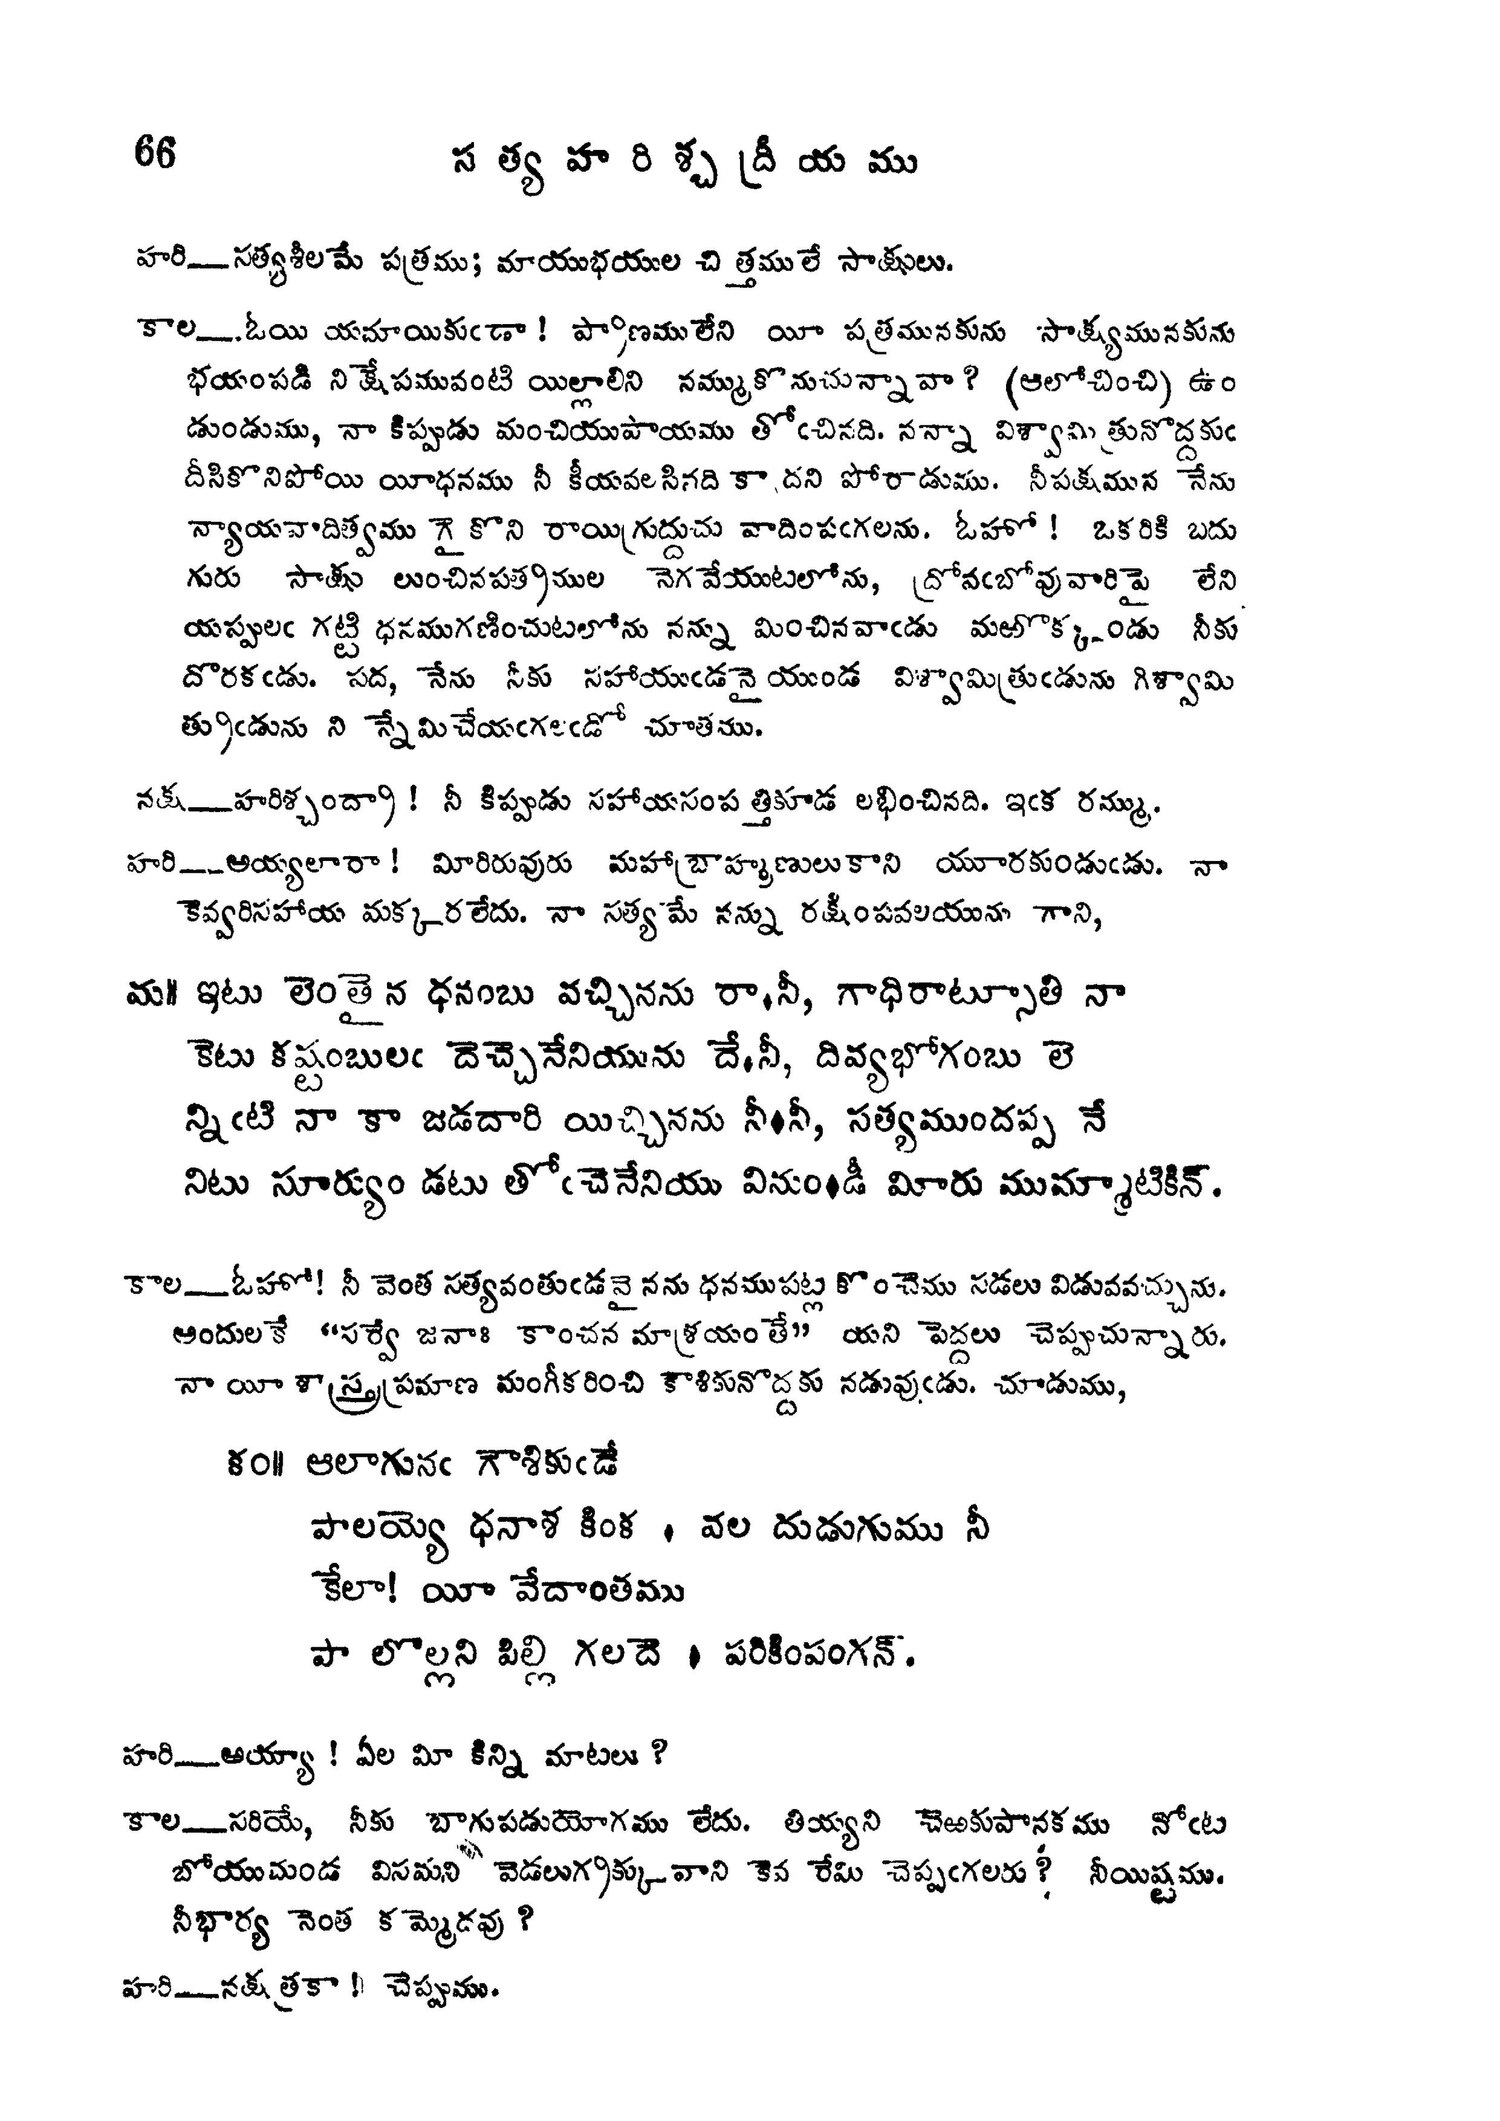హరి - 	సత్యశీలమే పత్రము. మా యుభయుల చిత్తములే సాక్ష్యములు.

కాల - ఓయీ యమాయకుడా! ప్రాణము లేని యీ పత్రమునకును సాక్ష్యములకును భయపడి నిక్షేపము వంటి యిల్లాలి నమ్ముకొను చున్నావా? (ఆలోచించి) ఉండుండుము. నాకిప్పుడు మంచి యుపాయము తోచినది. నన్నా విశ్వామిత్రునొద్దకు దీసికొనిపోయి యీ ధనము నీకీయవలసినది కాదని పోరాడుము. నీ పక్షమున నేను న్యాయవాదిత్వము గైకొని రాయిగ్రుద్దుచు వాదింపగలను. ఓహో! ఒకరికిం బదుగురు సాక్షులుంచిన పత్రముల
నెగవేయుటలోను ద్రోవఁబ్రోవు వారిపై లేని యప్పులగట్టి ధనము గణించుటలోను నన్ను మించినవాడు మఱొక్కండు నీకు దొరకడు. పద, నేను నీకు సహాయుడనై యుండ విశ్వామిత్రుడును గిశ్వామిత్రుడును నిన్నేమి చేయగలడో చూతము.

నక్ష - 	హరిశ్చంద్రా! నీ కిప్పుడు సహాయ సంపత్తి కూడ లభించినది! ఇంక రమ్ము.
హరి - 	అయ్యలారా! మీ రిరువురును మహాబ్రాహ్మణులు కాని యూరకుండుడు. నా కెవ్వరి సహాయమక్కఱలేదు. నా సత్యమే నన్ను రక్షింపవలయును గాని,

మ. 	ఇటులెంతైన ధనంబు వచ్చినను రానీ గాధిరాట్సూతి నా
కెటు కష్టంబుల దెచ్చెనేనియును దేనీ దివ్యభోగంబు లె
న్నిటి నాకాజడదారి యిచ్చినను నీనీ, సత్యముం దప్ప నే
నిటు సూర్యుండటుతోచెనేని వినుడోయీ మీరు ముమ్మాటికిన్‌.

కాల - 	ఓహో! నీ వెంత సత్యవంతుడవైనను ధనము పట్ల గొంచెము సడలు విడవ వచ్చును. అందుకే "సర్వేజనాః కాంచన మాశ్రయంతి" యని పెద్దలు చెప్పు చున్నారు. నా యీ శాస్త్రప్రమాణ మంగీకరించి కౌశికునొద్దకు నడువుడు. చూడుము.

క. 	ఆలాగున గౌశికుఁడే
పాలయ్యె, ధనాశకింక వల దుడుగుము నీ
కేలా! యీ వేదాంతము?
పా లొల్లని పిల్లి గలదె పరికింపంగన్‌?

హరి - 	అయ్యా! ఏల మీకిన్ని మాటలు?

కాల - 	సరి, నీకి బాగుపడు యోగము లేదు. తియ్యని చెఱకుపానకము నోట బోయుచుండ విషమని గ్రక్కువాని కెవ్వరేమి చెప్పగలరు. నీ యిష్టము. నీ భార్య నెంత కమ్మెదవు?

హరి - 	నక్షత్రకా! చెప్పుము.